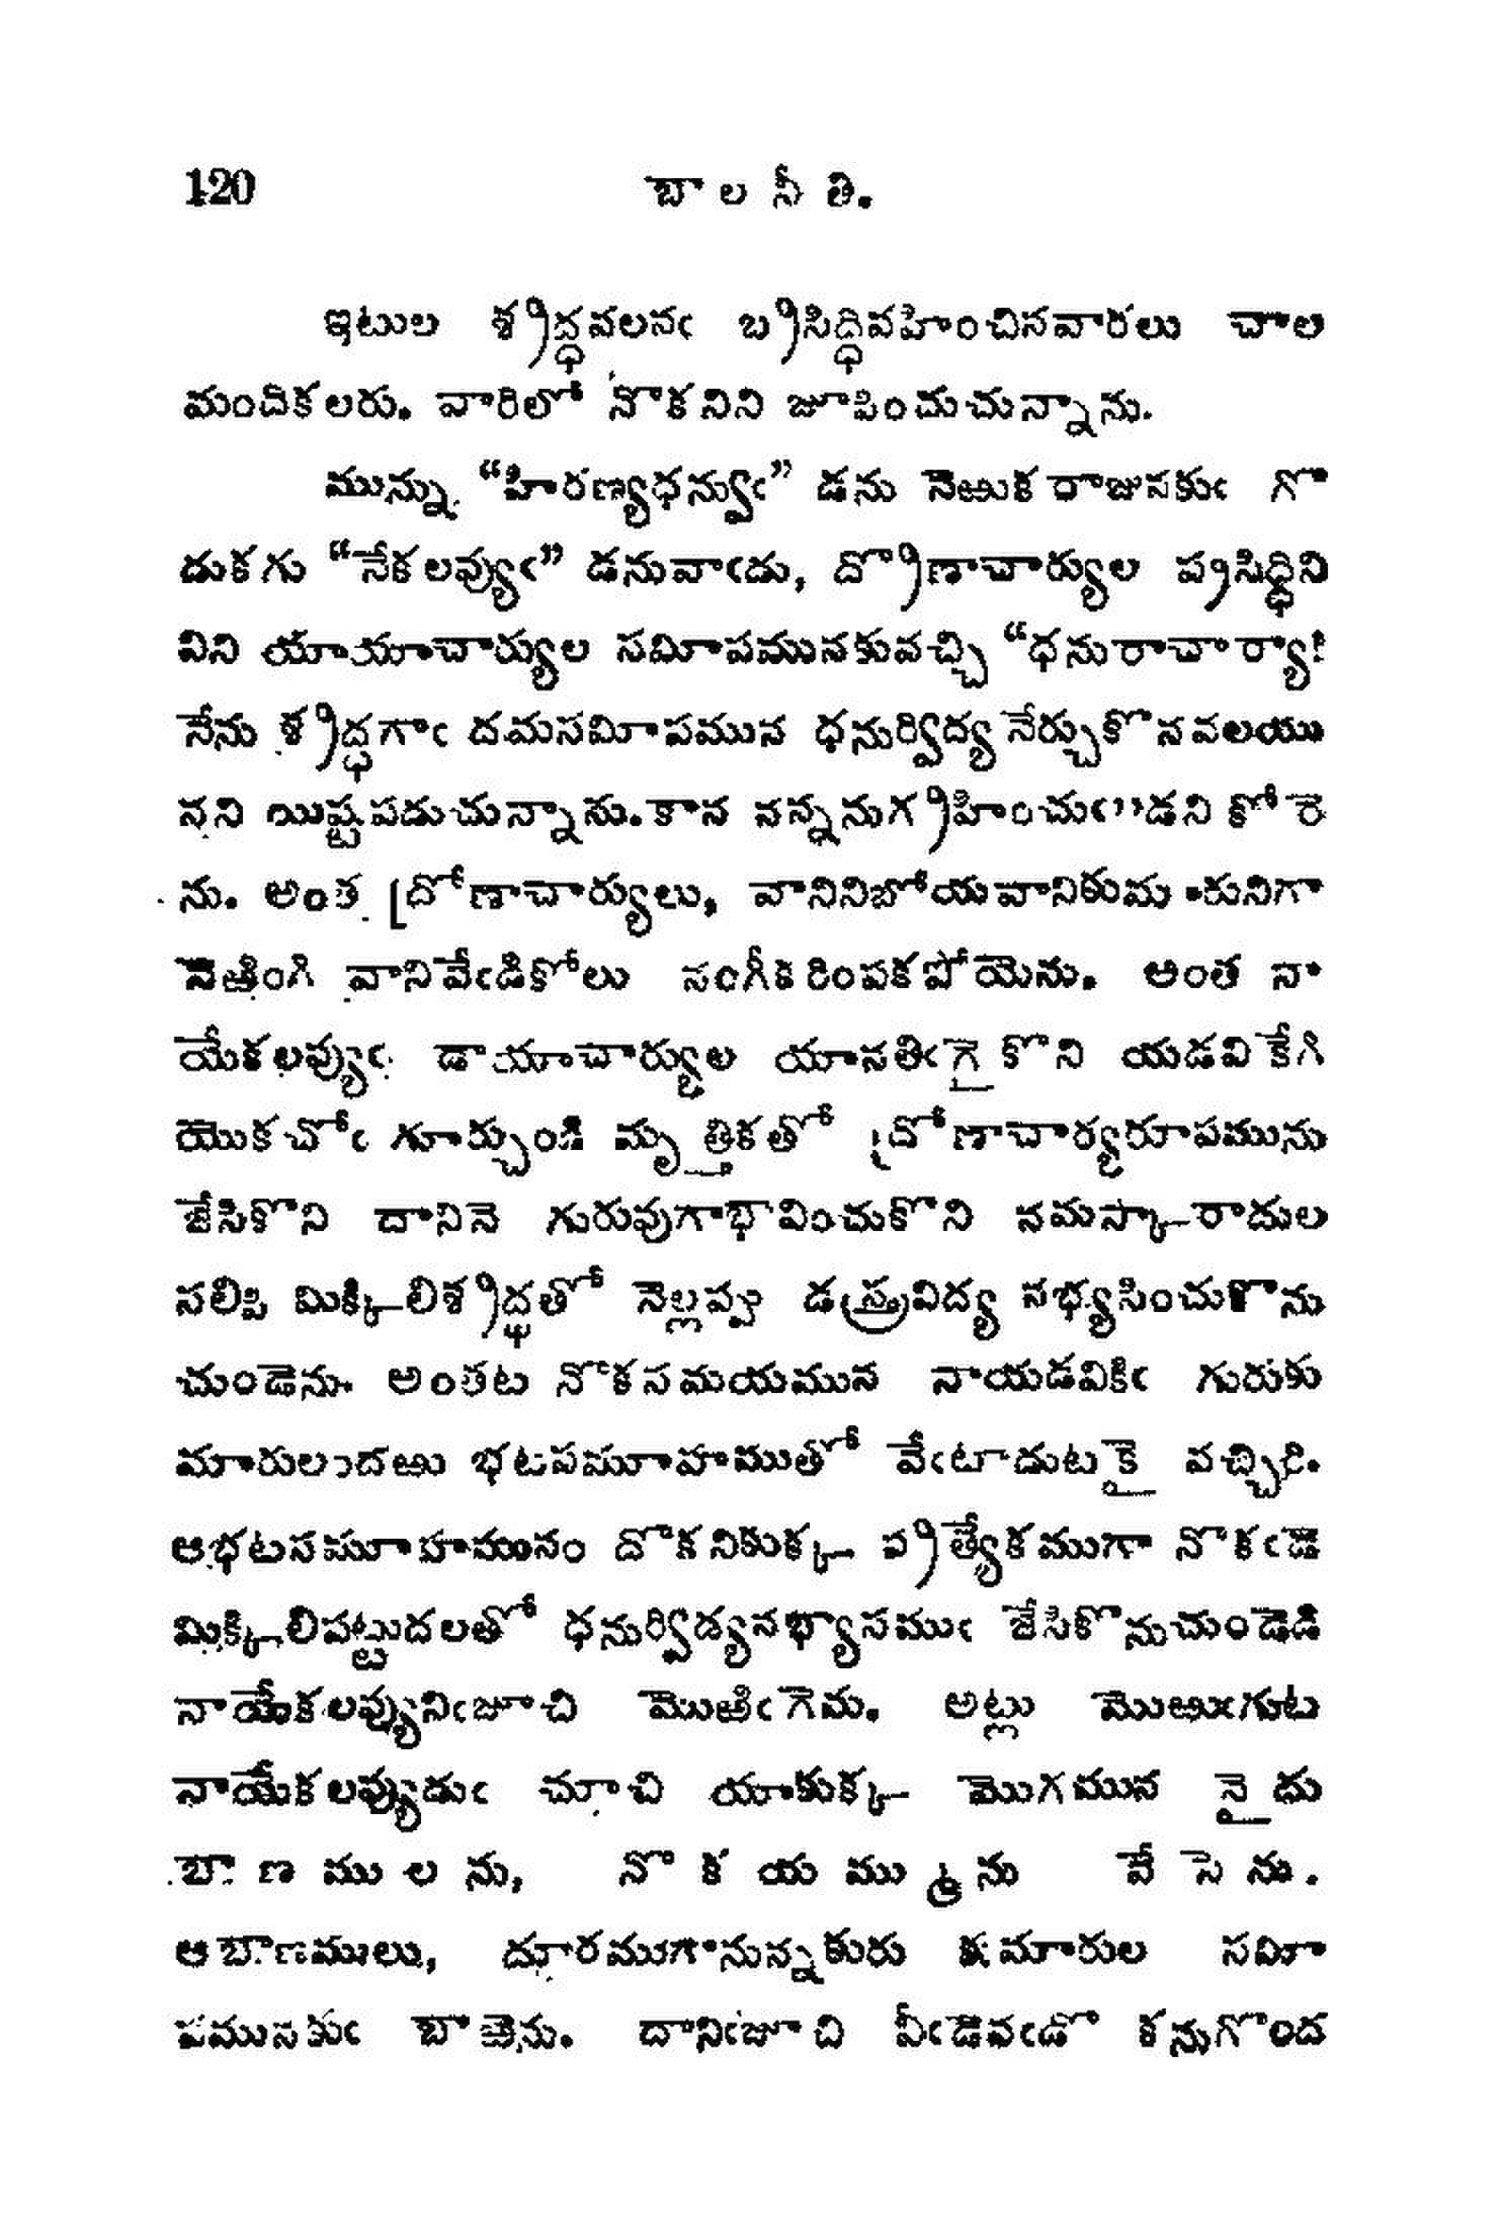ఇటుల శ్రద్ధవలనఁ బ్రసిద్ధివహించినవారలు చాల 
మందికలరు. వారిలో నొకనిని జూపించుచున్నాను.
 
మున్ను "హిరణ్యధన్వుఁ" డను నెఱుక రాజునకుఁ గొ
డుకగు "నేకలవ్యుఁ" డనువాఁడు, ద్రోణాచార్యుల ప్రసిద్ధిని 
విని యాయాచార్యుల సమీపమునకువచ్చి "ధనురాచార్యా! 
నేను శ్రద్ధగా దమసమీపమున ధనుర్విద్య నేర్చుకొనవలయు
నని యిష్టపడుచున్నాను. కాన నన్ననుగ్రహించుఁ"డని కోరె
ను. అంత ద్రోణాచార్యులు, వానినిబోయవానికుమారునిగా 
నెఱింగి వానివేఁడికోలు నంగీకరింపకబోయెను. అంత నా 
యేకలవ్యుఁ డాయాచార్యుల యానతిఁగైకొని యడవికేగి 
యొకచోఁ గూర్చుండి మృత్తికతో ద్రోణాచార్యరూపమును 
జేసికొని దానినె గురువుగాభావించుకొని నమస్కారాదుల
సలిపి మిక్కిలిశ్రద్ధతో నెల్లప్పు డస్త్రవిద్య నభ్యసించుకొను 
చుండెను. అంతట నొకసమయమున నాయడవికిఁ గురుకు
మారులందఱు భటసమూహముతో వేఁటాడుటకై వచ్చిరి.
ఆభటసమూహమునం దొకనికుక్క ప్రత్యేకముగా నొకఁడె 
మిక్కిలిపట్టుదలతో ధనుర్విద్యనభ్యాసముఁ జేసికొనుచుండెడి 
నాయేకలవ్యునిఁజూచి మొఱిఁగెను. అట్లు మొఱుఁగుట 
నాయేకలవ్యుడుఁ చూచి యాకుక్క మొగమున నైదు
బాణములను, నొకయమ్మును వేసెను. 
ఆబాణములు, దూరముగానున్నకురు కుమారుల సమీ
పమునకుఁ బాఱెను. దానిఁజూచి వీఁడెవడో కనుగొంద